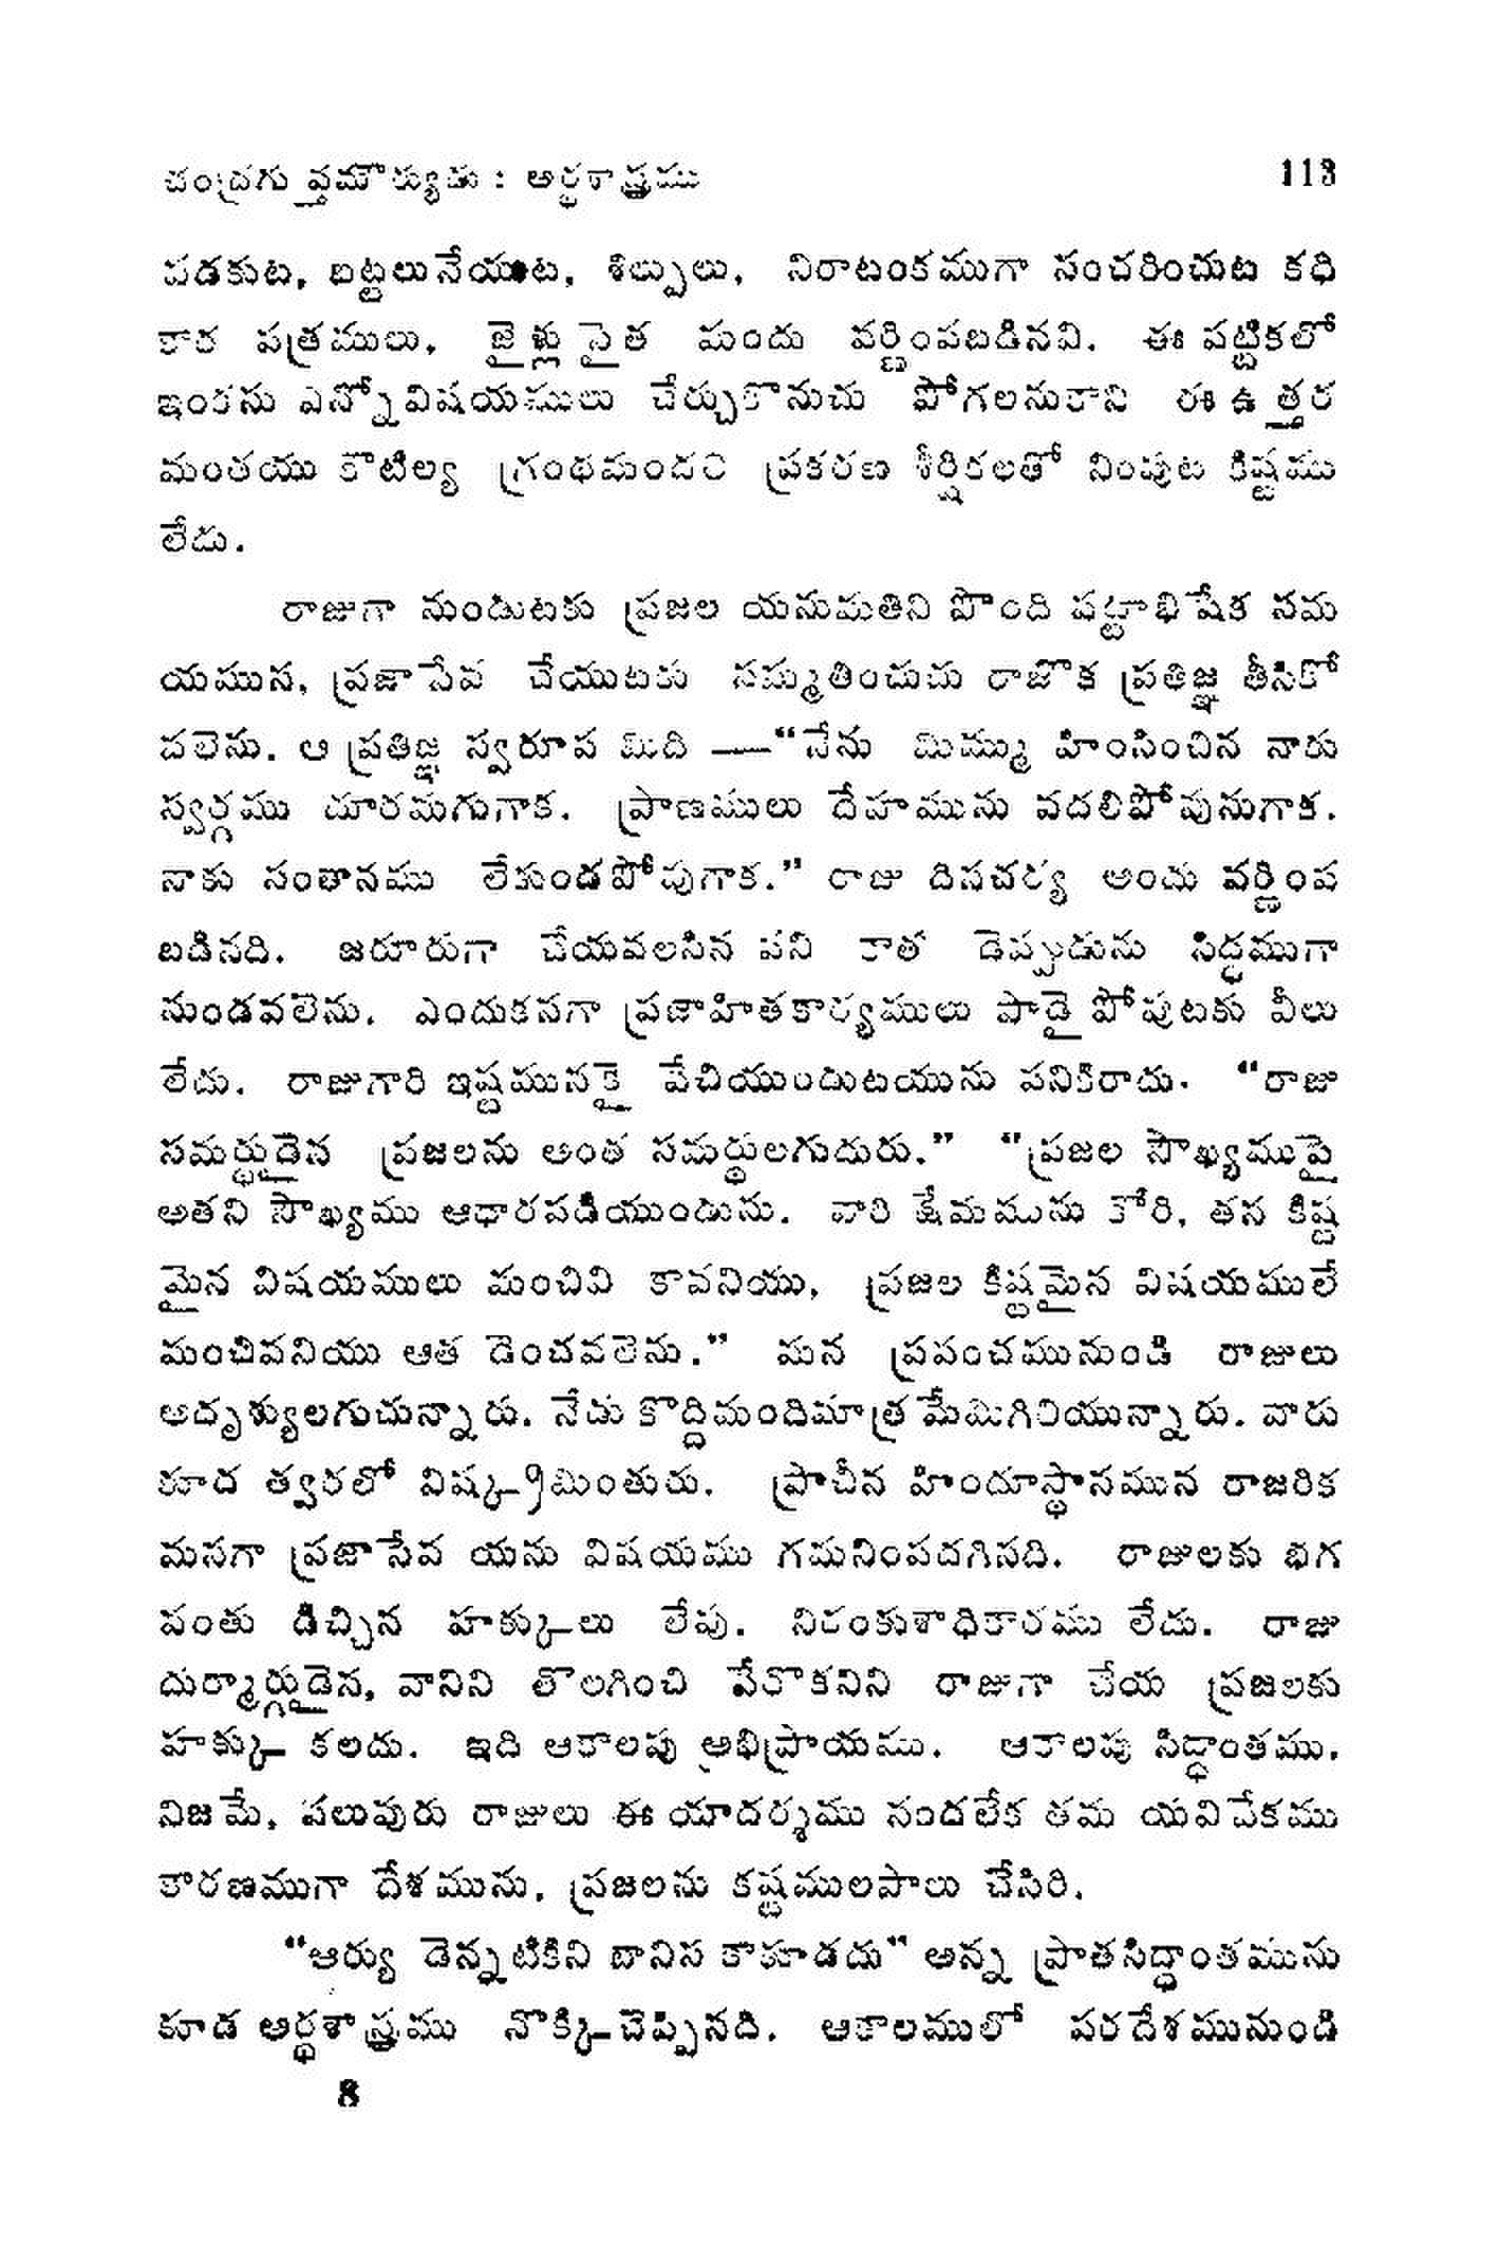వడకుట, బట్టలునేయుట, శిల్పులు, నిరాటంకముగా సంచరించుట కధికార పత్రములు, జైళ్లు సైత మందు వర్ణింపబడినవి. ఈ పట్టికలో ఇంకను ఎన్నోవిషయములు చేర్చుకొనుచు పోగలనుకాని ఈ ఉత్తర మంతయు కౌటిల్య గ్రంథమందలి ప్రకరణ శీర్షికలతో నింపుట కిష్టము లేదు.

రాజుగా నుండుటకు ప్రజల యనుమతిని పొంది పట్టాభిషేక సమయమున, ప్రజాసేవ చేయుటకు సమ్మతించుచు రాజొక ప్రతిజ్ఞ తీసికోవలెను. ఆ ప్రతిజ్ఞ స్వరూప మిది - "నేను మిమ్ము హింసించిన నాకు స్వర్గము దూరమగుగాక. ప్రాణములు దేహమును వదలిపోవునుగాక. నాకు సంతానము లేకుండపోవుగాక." రాజు దినచర్య అందు వర్ణింపబడినది. జరూరుగా చేయవలసిన పని కాత డెప్పుడును సిద్దముగా నుండవలెను. ఎందుకనగా ప్రజాహితకార్యములు పాడై పోవుటకు వీలులేదు. రాజుగారి ఇష్టమునకై వేచియుండుటయును పనికిరాదు. "రాజు సమర్థుడైన ప్రజలను అంత సమర్థులగుదురు." "ప్రజల సౌఖ్యముపై అతని సౌఖ్యము ఆధారపడియుండును. వారి క్షేమమును కోరి, తన కిష్టమైన విషయములు మంచివి కావనియు, ప్రజల కిష్టమైన విషయములే మంచివనియు ఆత డెంచవలెను." మన ప్రపంచమునుండి రాజులు అదృశ్యులగుచున్నారు. నేడు కొద్దిమందిమాత్రమేమిగిలియున్నారు. వారుకూడ త్వరలో విష్క్రమింతురు. ప్రాచీన హిందూస్థానమున రాజరికమనగా ప్రజాసేవ యను విషయము గమనింపదగినది. రాజులకు భగవంతు డిచ్చిన హక్కులు లేవు. నిరంకుశాధికారము లేదు. రాజు దుర్మార్గుడైన, వానిని తొలగించి వేరొకనిని రాజుగా చేయ ప్రజలకు హక్కు కలదు. ఇది ఆకాలపు అభిప్రాయము. ఆకాలపు సిద్దాంతము. నిజమే. పలువురు రాజులు ఈ యాదర్శము నందలేక తమ యవివేకము కారణముగా దేశమును, ప్రజలను కష్టములపాలు చేసిరి.

"ఆర్యు డెన్నటికిని బానిస కాకూడదు" అన్న ప్రాతసిద్ధాంతమును కూడ అర్థశాస్త్రము నొక్కిచెప్పినది. ఆకాలములో పరదేశమునుండి